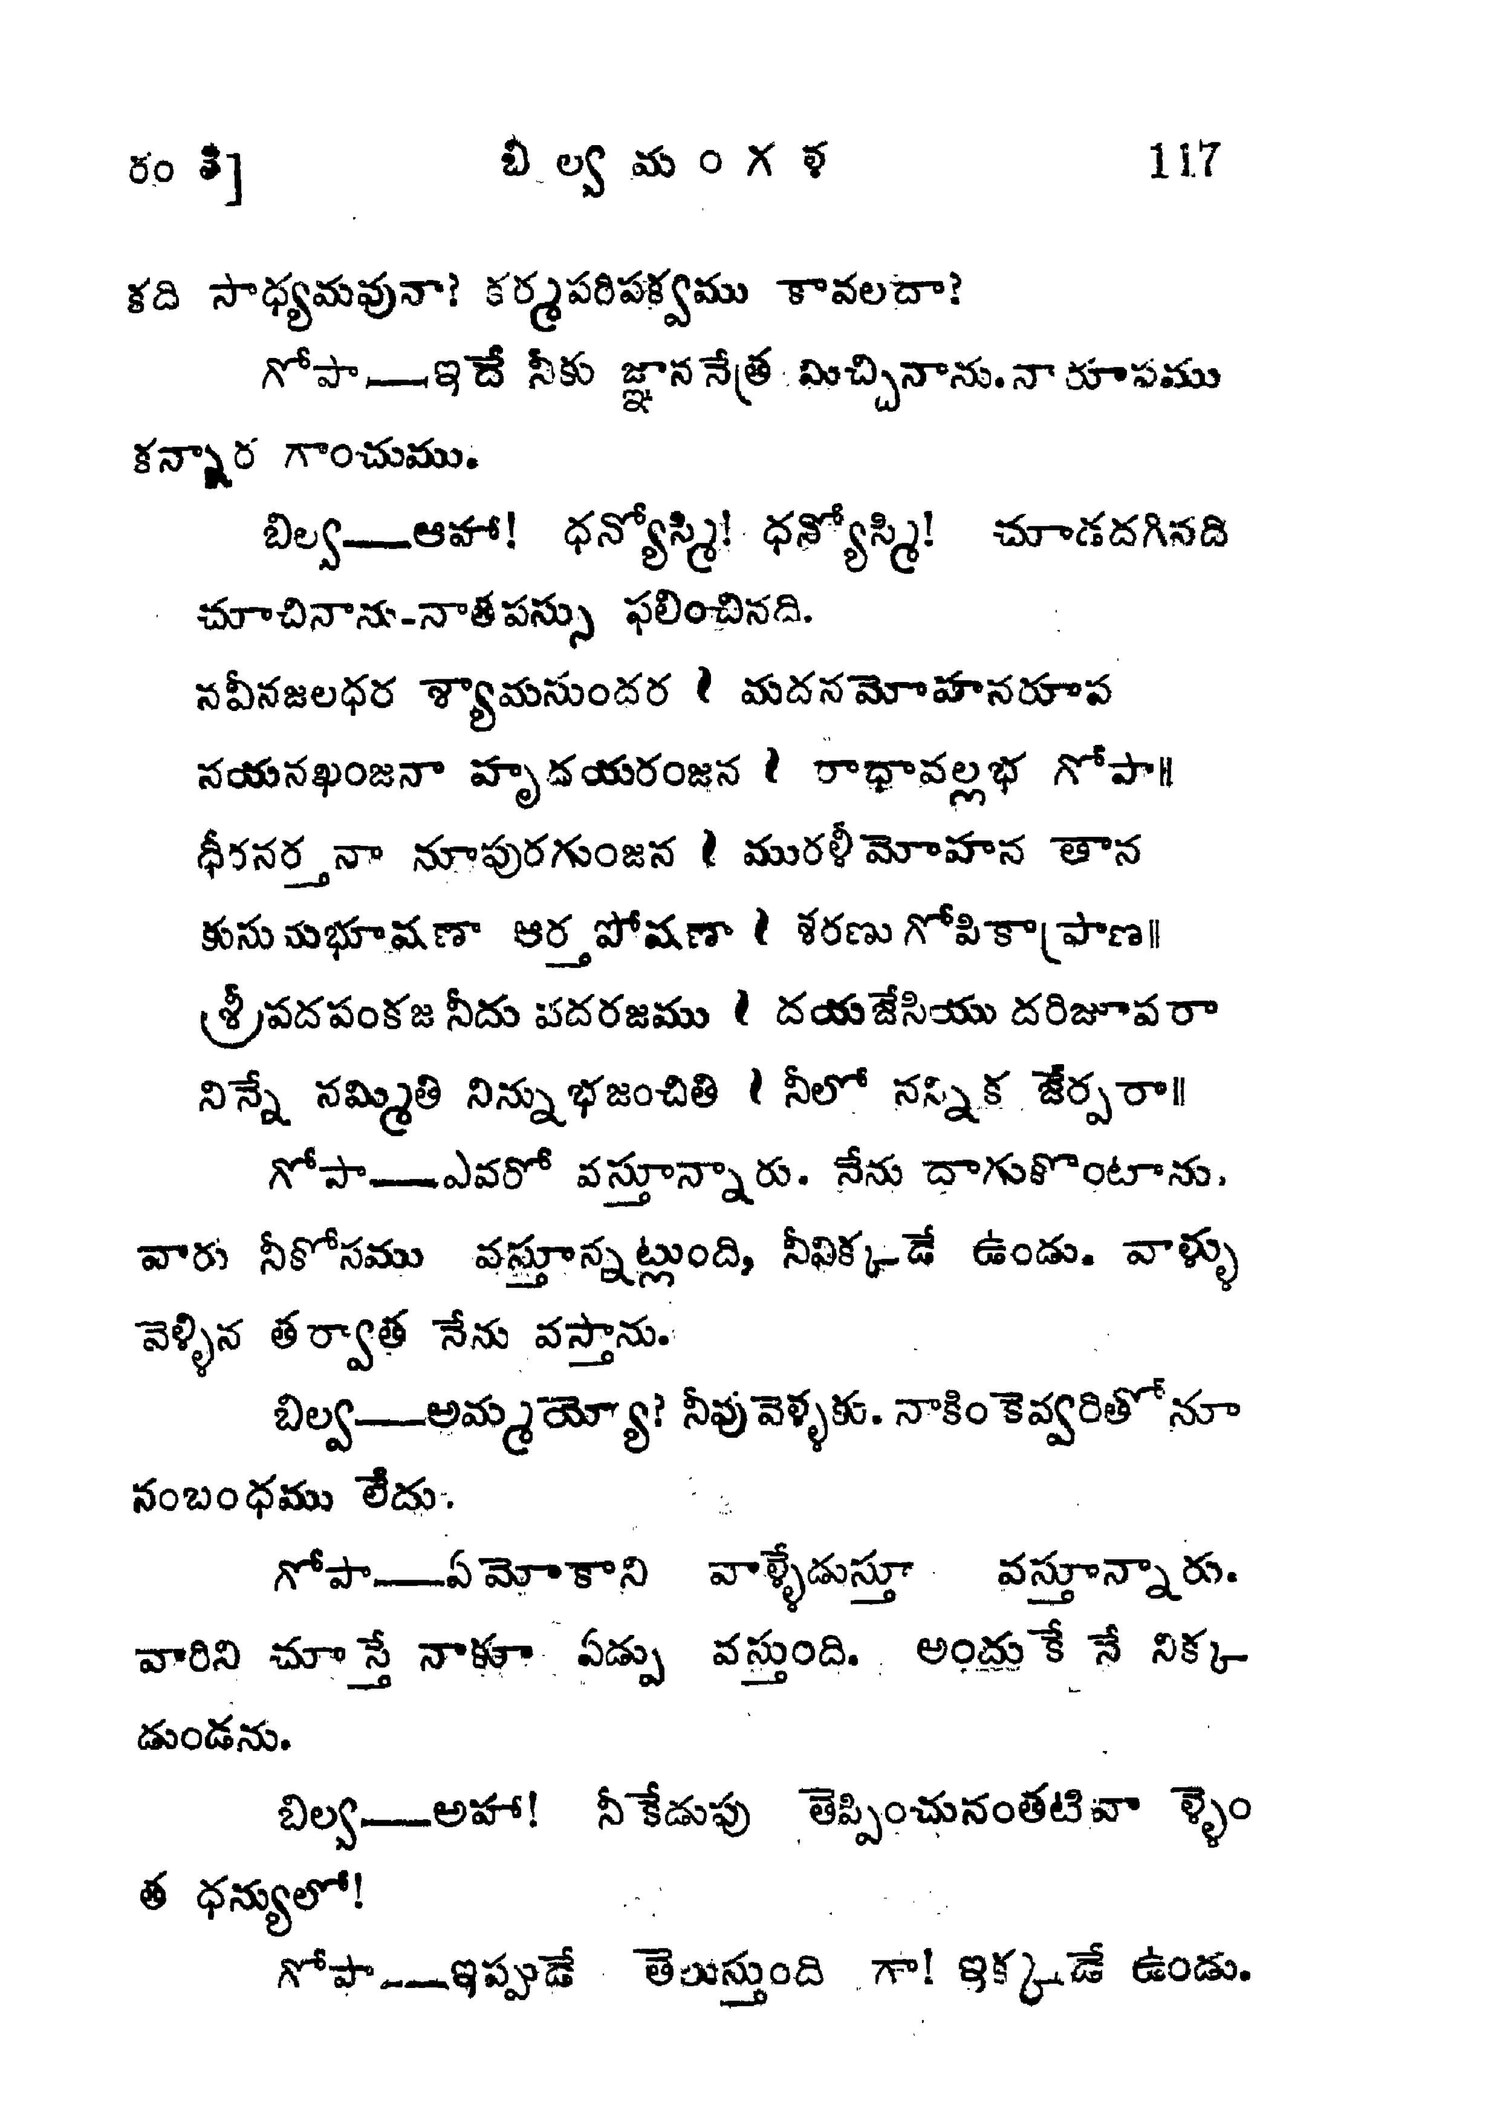కది సాధ్యమవునా? కర్మపరిపక్వము కావలదా?

గోపా - ఇదే నీకు జ్ఞాననేత్ర మిచ్చినాను. నా రూపము కన్నార గాంచుము.

బిల్వ - ఆహా! ధన్యోస్మి! ధన్యోస్మి! చూడదగినది చూచినాను - నాతపస్సు ఫలించినది.

 నవీనజలధర శ్యామసుందర ♦ మదనమోహనరూప
 నయనఖంజనా హృదయరంజన ♦ రాధావల్లభ గోపా||
 ధీరనర్తనా సూపురగుంజన ♦ మురళీమోహన తాన
 కుసుమభూషణా ఆర్తపోషణా ♦ శరణు గోపికాప్రాణ||
 శ్రీపదపంకజనీదు పదరజము ♦ దయజేసియు దరిజూపరా
 నిన్నే నమ్మితి నిన్ను భజించితి ♦ నీలో నన్నిక జేర్పరా||

గోపా - ఎవరో వస్తూన్నారు. నేను దాగుకొంటాను. వారు నీకోసము వస్తూన్నట్లుంది, నీవిక్కడే ఉండు. వాళ్ళు వెళ్ళిన తర్వాత నేను వస్తాను.

బిల్వ - అమ్మయ్యో? నీవు వెళ్ళకు. నాకింకెవ్వరితోనూ సంబంధము లేదు.

గోపా - ఏమోకాని వాళ్ళేడుస్తూ వస్తూన్నారు. వారిని చూస్తే నాకూ ఏడ్పు వస్తుంది. అందుకే నే నిక్కడుండను.

బిల్వ - ఆహా! నీకేడుపు తెప్పించునంతటివా ళ్ళెంత ధన్యులో!

గోపా - ఇప్పుడే తెలుస్తుంది గా! ఇక్కడే ఉండు.